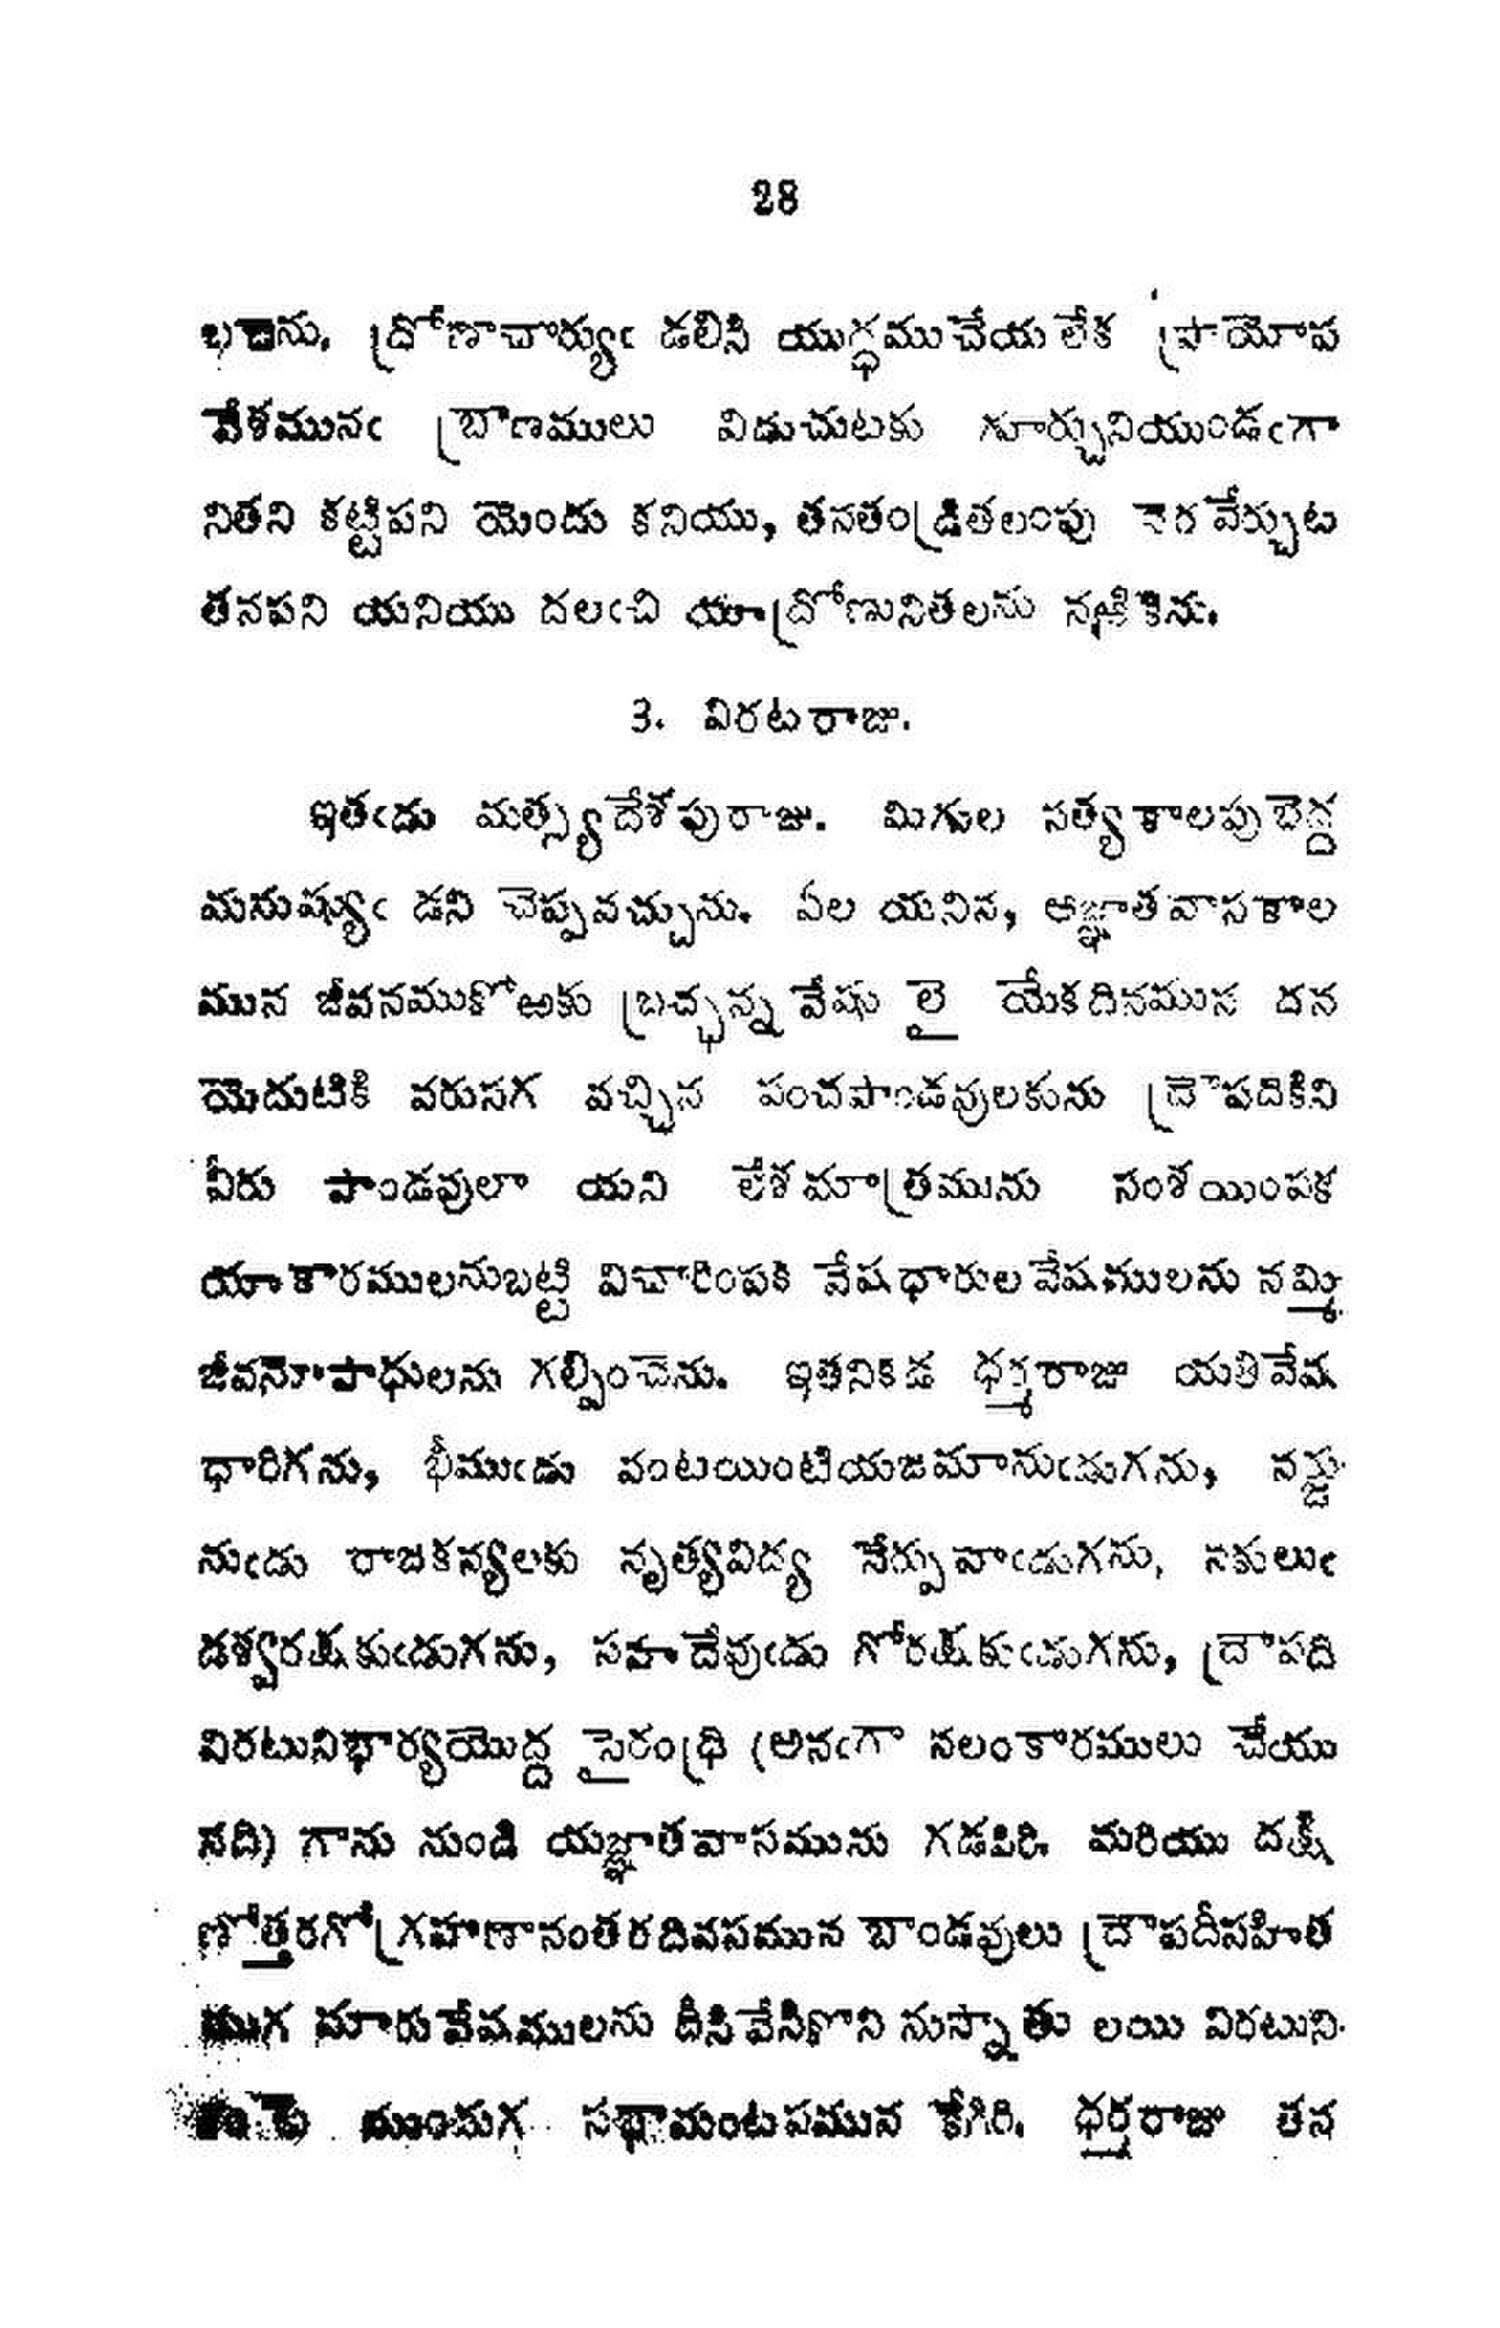బడెను. ద్రోణాచార్యుఁ డలిసి యుద్ధముచేయలేక ప్రాయోపవేశమునఁ బ్రాణములు విడుచుటకు గూర్చునియుండఁగా నితని కట్టిపని యెందు కనియు, తనతండ్రితలంపు నెరవేర్చుట తనపని యనియు దలఁచి యాద్రోణునితలను నఱికెను.

ఇతఁడు మత్స్యదేశపురాజు. మిగుల సత్యకాలపు బెద్ద మనుష్యుఁ డని చెప్పవచ్చును. ఏల యనిన, అజ్ఞాతవాసకాలమున జీవనముకొఱకు బ్రచ్ఛన్న వేషు లై యేకదినమున దన యెదుటికి వరుసగ వచ్చిన పంచపాండవులకును ద్రౌపదికిని వీరు పాండవులా యని లేశమాత్రమును సంశయింపక
యాకారములనుబట్టి విచారింపక వేషధారులవేషములను నమ్మి జీవనోపాధులను గల్పించెను. ఇతనికడ ధర్మరాజు యతివేషధారిగను, భీముఁడు వంటయింటియజమానుఁడుగను, నర్జునుఁడు రాజకన్యలకు నృత్యవిద్య నేర్పువాఁడుగను, నకులుఁ డశ్వరక్షకుఁడుగను, సహదేవుఁడు గోరక్షకుఁడుగను, ద్రౌపది విరటునిభార్యయొద్ద సైరంద్రి (అనఁగా నలంకారములు చేయునది) గాను నుండి యజ్ఞాతవాసమును గడపిరి మరియు దక్షిణోత్తరగోగ్రహణానంతర దివసమున బాండవులు ద్రౌపదీసహితముగ మారువేషములను దీసివేసికొని నుస్నాతు లయి విరటుని కంటె ముందుగ సభామంటపమున కేగిరి, ధర్మరాజు తన